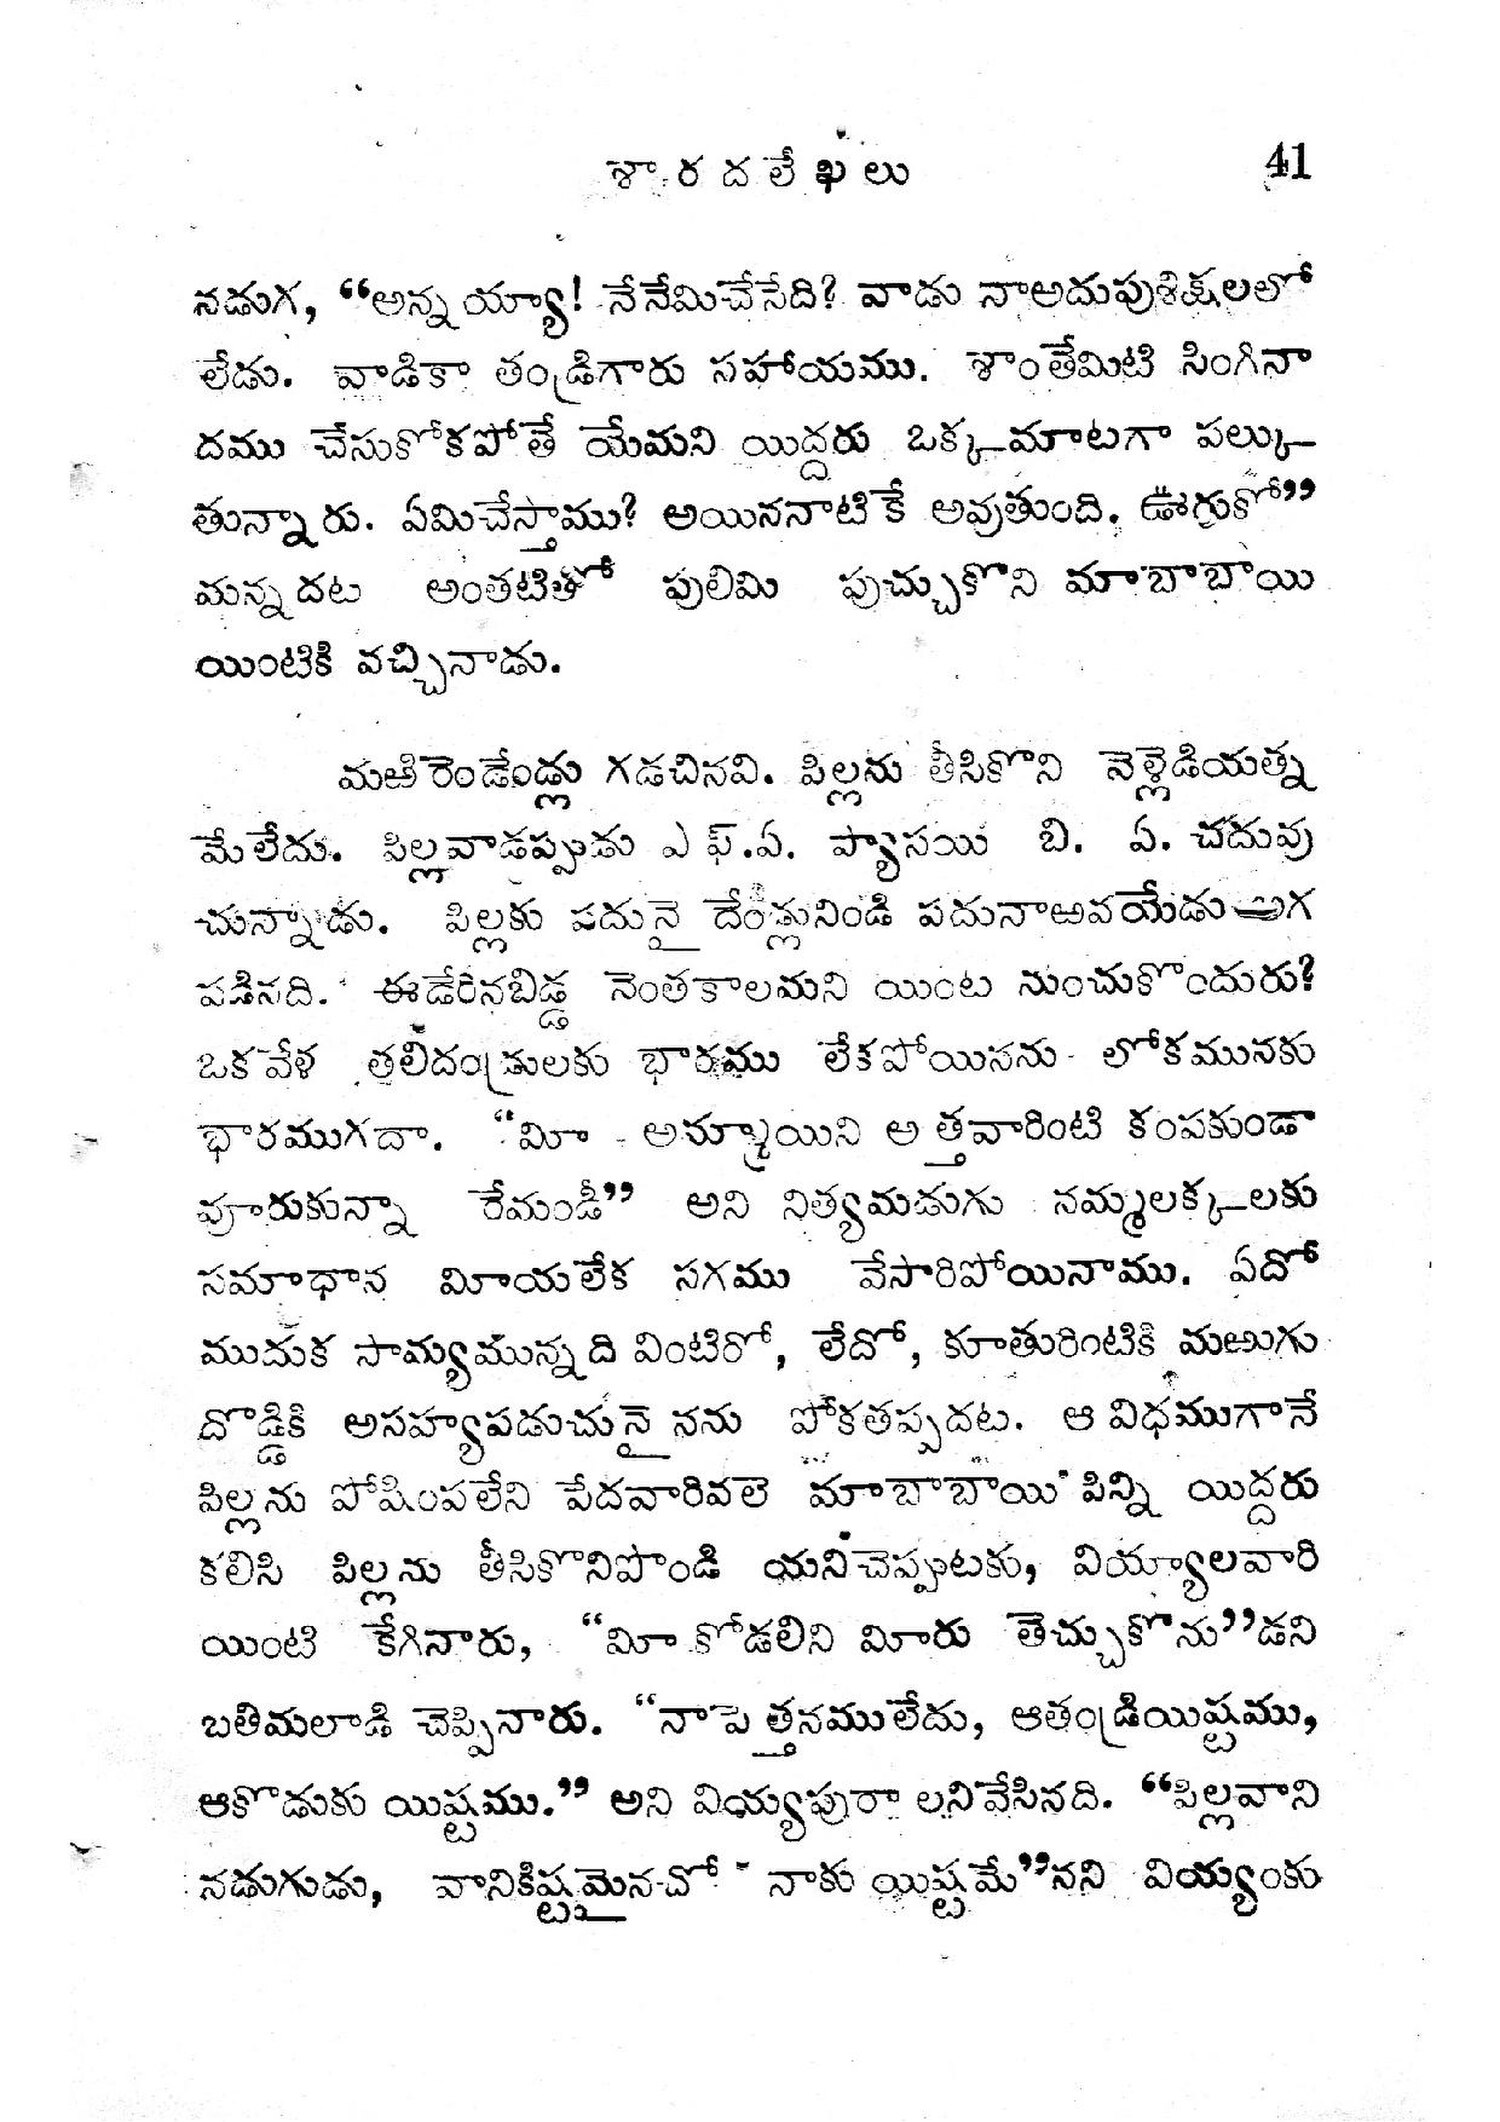నడుగ, “అన్నయ్యా! నేనేమిచేసేది? వాడు నాఅదుపుశిక్షలలో లేడు. వాడికా తండ్రిగారు సహాయము. శాంతేమిటి సింగినాదము చేసుకోకపోతే యేమని యిద్దరు ఒక్కమాటగా పల్కుతున్నారు. ఏమిచేస్తాము? అయిననాటికే అవుతుంది. ఊరుకో” మన్నదట అంతటితో పులిమి పుచ్చుకొని మాబాబాయి యింటికి వచ్చినాడు.

మఱిరెండేండ్లు గడచినవి. పిల్లను తీసికొని వెళ్లెడియత్నమేలేదు. పిల్లవాడప్పుడు ఎఫ్.ఏ. ప్యాసయి బి. ఏ. చదువుచున్నాడు. పిల్లకు పదునై దేండ్లునిండి పదునాఱవయేడు అగపడినది. ఈడేరినబిడ్డ నెంతకాలమని యింట నుంచుకొందురు? ఒక వేళ తలిదండ్రులకు భారము లేకపోయినను లోకమునకు
భారముగదా. "మీ అమ్మాయిని అత్తవారింటి కంపకుండా వూరుకున్నా రేమండీ" అని నిత్యమడుగు నమ్మలక్కలకు సమాధాన విూయలేక సగము వేసారిపోయినాము. ఏదో ముదుక సామ్యమున్నది వింటిరో, లేదో, కూతురింటికి మఱుగుదొడ్డికి అసహ్యపడుచునైనను పోకతప్పదట. ఆ విధముగానే పిల్లను పోషింపలేని పేదవారివలె మాబాబాయి పిన్ని యిద్దరు కలిసి పిల్లను తీసికొనిపొండి యనిచెప్పుటకు, వియ్యాలవారి యింటి కేగినారు, "మీ కోడలిని మీరు తెచ్చుకొను”డని బతిమలాడి చెప్పినారు. “నాపెత్తనములేదు, ఆతండ్రియిష్టము, ఆకొడుకు యిష్టము.” అని వియ్యపురా లనివేసినది. “పిల్లవాని
నడుగుడు, వానికిష్టమైనచో నాకు యిష్టమే"నని వియ్యంకు